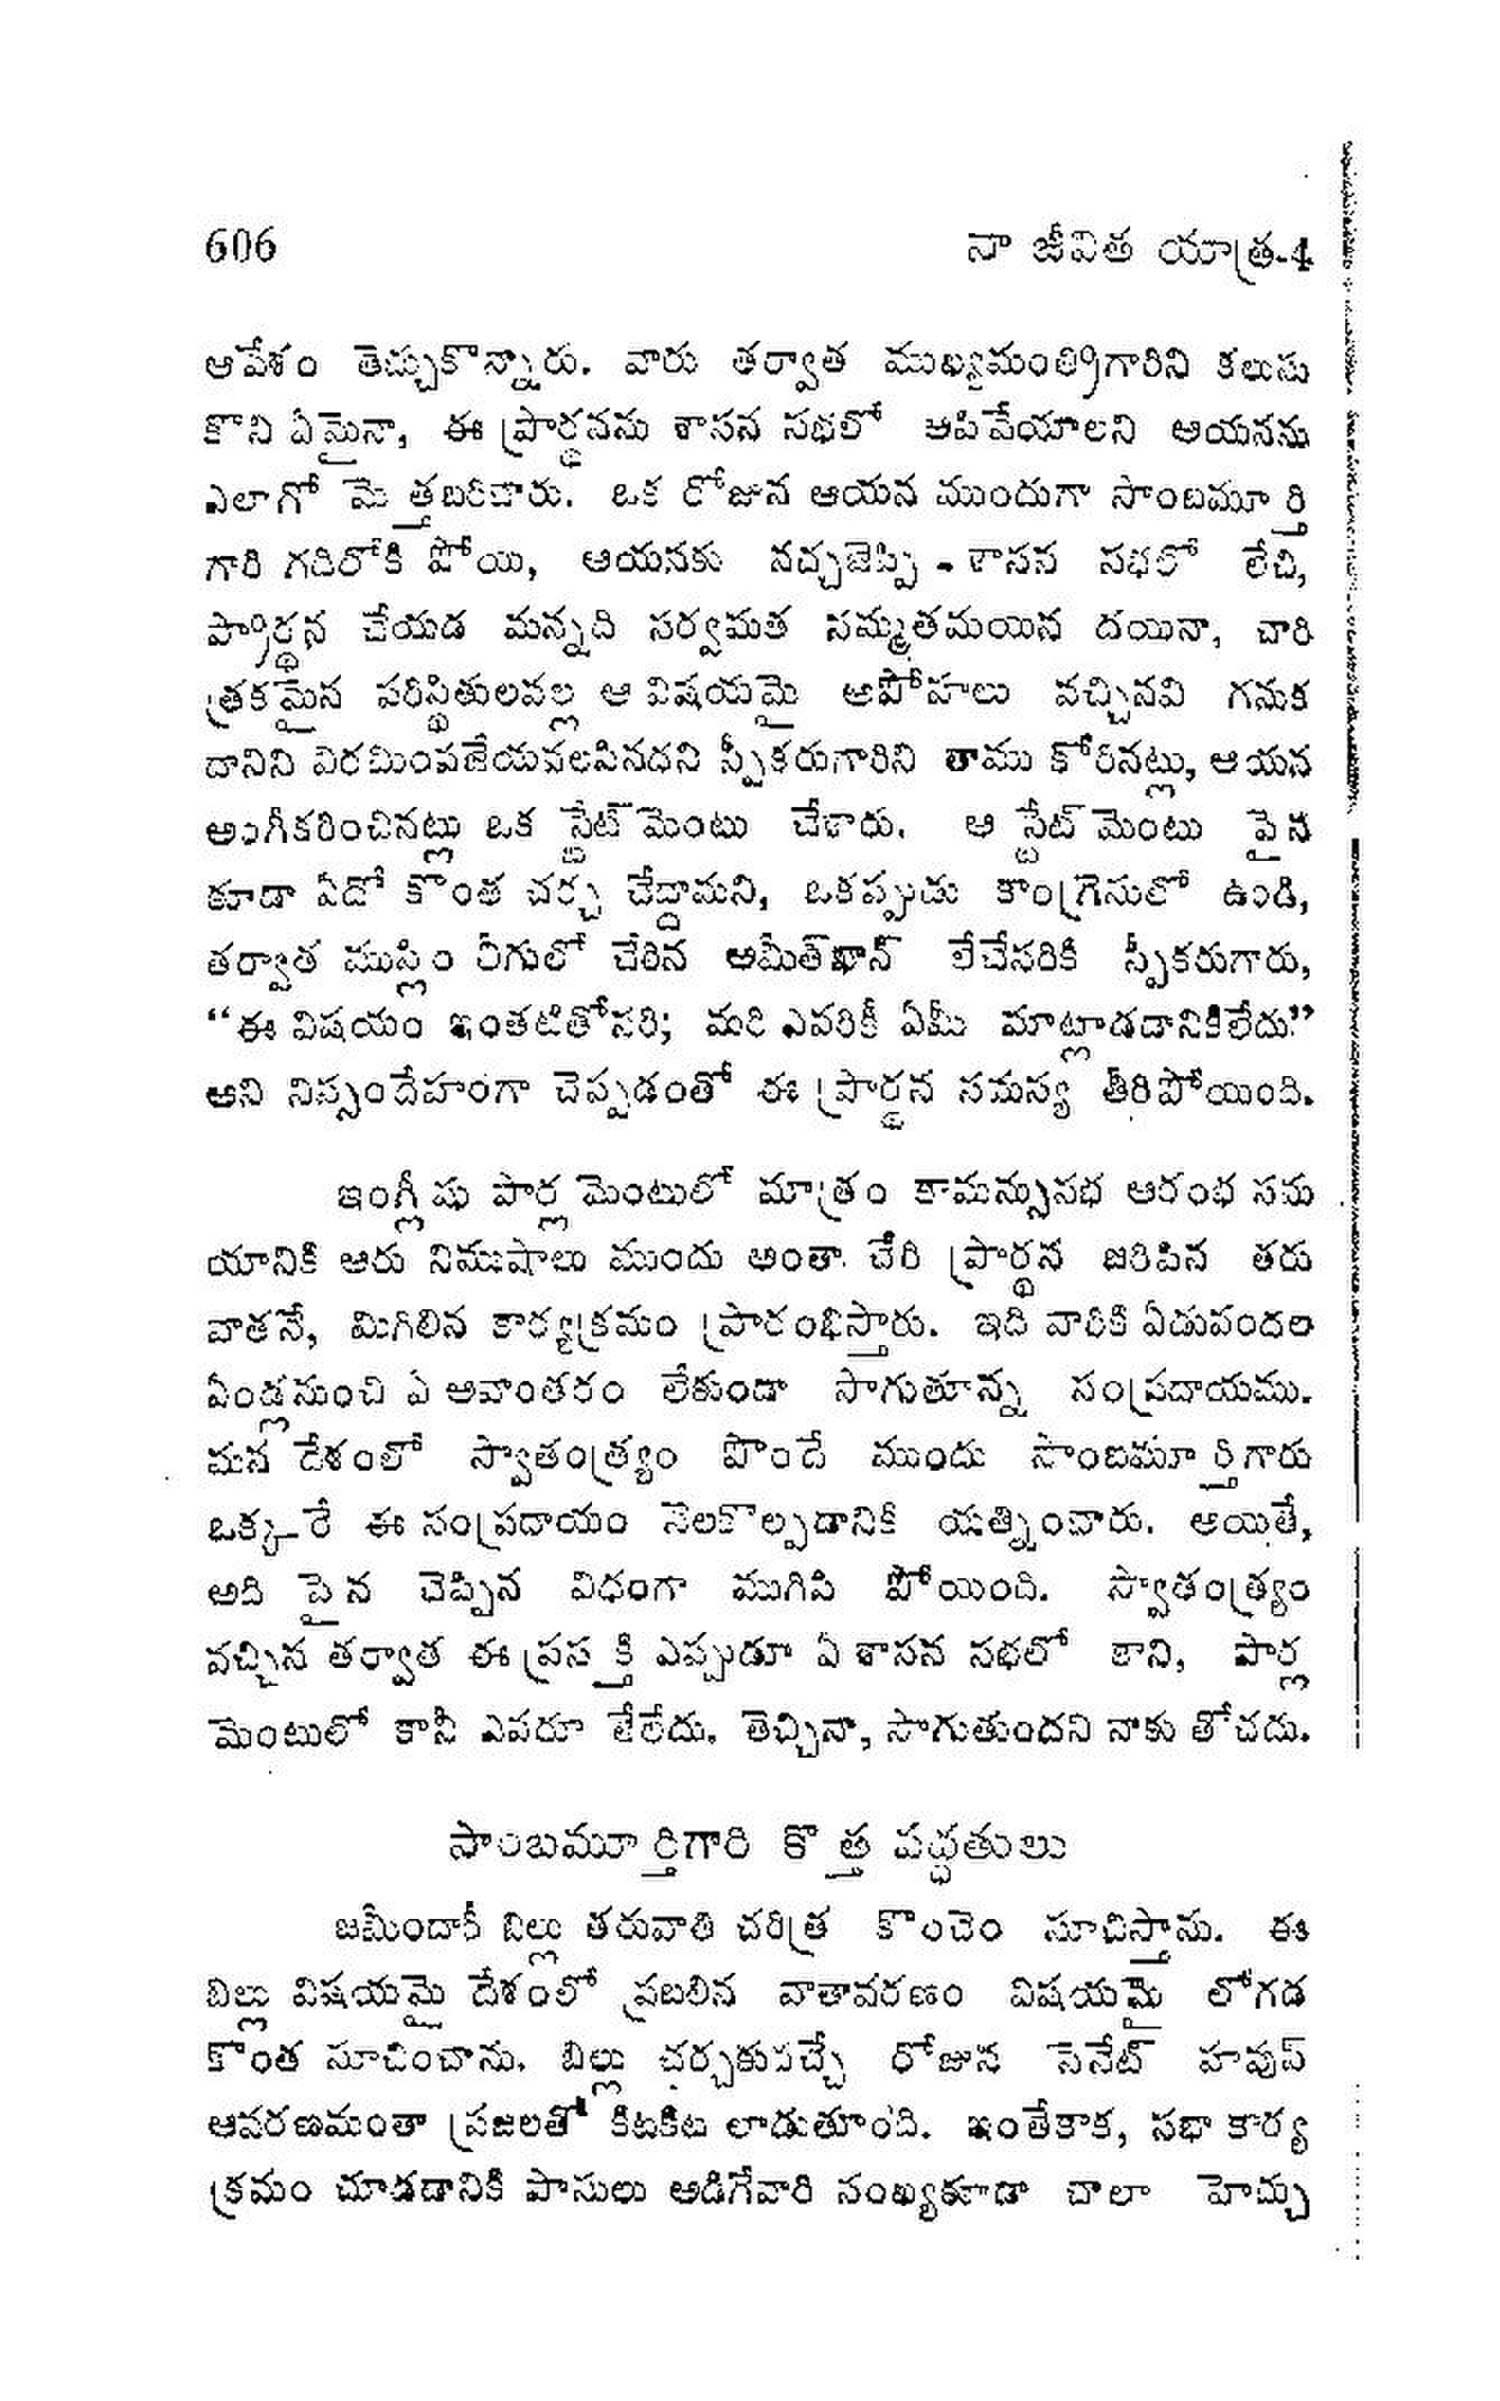ఆవేశం తెచ్చుకొన్నారు. వారు తర్వాత ముఖ్యమంత్రిగారిని కలుసుకొని ఏమైనా, ఈ ప్రార్దనను శాసన సభలో ఆపివేయాలని ఆయనను ఎలాగో మెత్తబరిచారు. ఒక రోజున ఆయన ముందుగా సాంబమూర్తిగారి గదిలోకి పోయి, ఆయనకు నచ్చజెప్పి _ శాసన సభలో లేచి, ప్రార్థన చేయడ మన్నది సర్వమత సమ్మతమయిన దయినా, చారిత్రకమైన పరిస్థితులవల్ల ఆ విషయమై అపోహలు వచ్చినవి గనుక దానిని విరమింపజేయవలసినదని స్పీకరుగారిని తాము కోరినట్లు, ఆయన అంగీకరించినట్లు ఒక స్టేట్‌మెంటు చేశారు. ఆ స్టేట్‌మెంటు పైన కూడా ఏదో కొంత చర్చ చేద్దామని, ఒకప్పుడు కాంగ్రెసులో ఉండి, తర్వాత ముస్లిం లీగులో చేరిన అమీత్‌ఖాన్ లేచేసరికి స్పీకరుగారు, "ఈ విషయం ఇంతటితోసరి; మరి ఎవరికీ ఏమీ మాట్లాడడానికిలేదు" అని నిస్సందేహంగా చెప్పడంతో ఈ ప్రార్థన సమస్య తీరిపోయింది.

ఇంగ్లీషు పార్లమెంటులో మాత్రం కామన్సుసభ ఆరంభ సమయానికి ఆరు నిముషాలు ముందు అంతా చేరి ప్రార్థన జరిపిన తరువాతనే, మిగిలిన కార్యక్రమం ప్రారంభిస్తారు. ఇది వారికి ఏడువందల ఏండ్లనుంచి ఏ అవాంతరం లేకుండా సాగుతూన్న సంప్రదాయము. మన దేశంలో స్వాతంత్ర్యం పొందే ముందు సాంబమూర్తిగారు ఒక్కరే ఈ సంప్రదాయం నెలకొల్ప డానికి యత్నించారు. అయితే, అది పైన చెప్పిన విధంగా ముగిసి పోయింది. స్వాతంత్ర్యం వచ్చిన తర్వాత ఈప్రసక్తి ఎప్పుడూ ఏ శాసన సభలో కాని, పార్లమెంటులో కానీ ఎవరూ తేలేదు. తెచ్చినా, సాగుతుందని నాకు తోచదు.

జమీందారీ బిల్లు తరువాత చరిత్ర కొంచెం సూచిస్తాను. ఈ బిల్లు విషయమై దేశంలో ప్రబలిన వాతావరణం విషయమై లోగడ కొంత సూచించాను. బిల్లు చర్చకువచ్చే రోజున సెనేట్ హవుస్ ఆవరణమంతా ప్రజలతో కిటకిట లాడుతూంది. ఇంతేకాక, సభా కార్యక్రమం చూడడానికి పాసులు అడిగేవారి సంఖ్యకూడా చాలా హెచ్చు